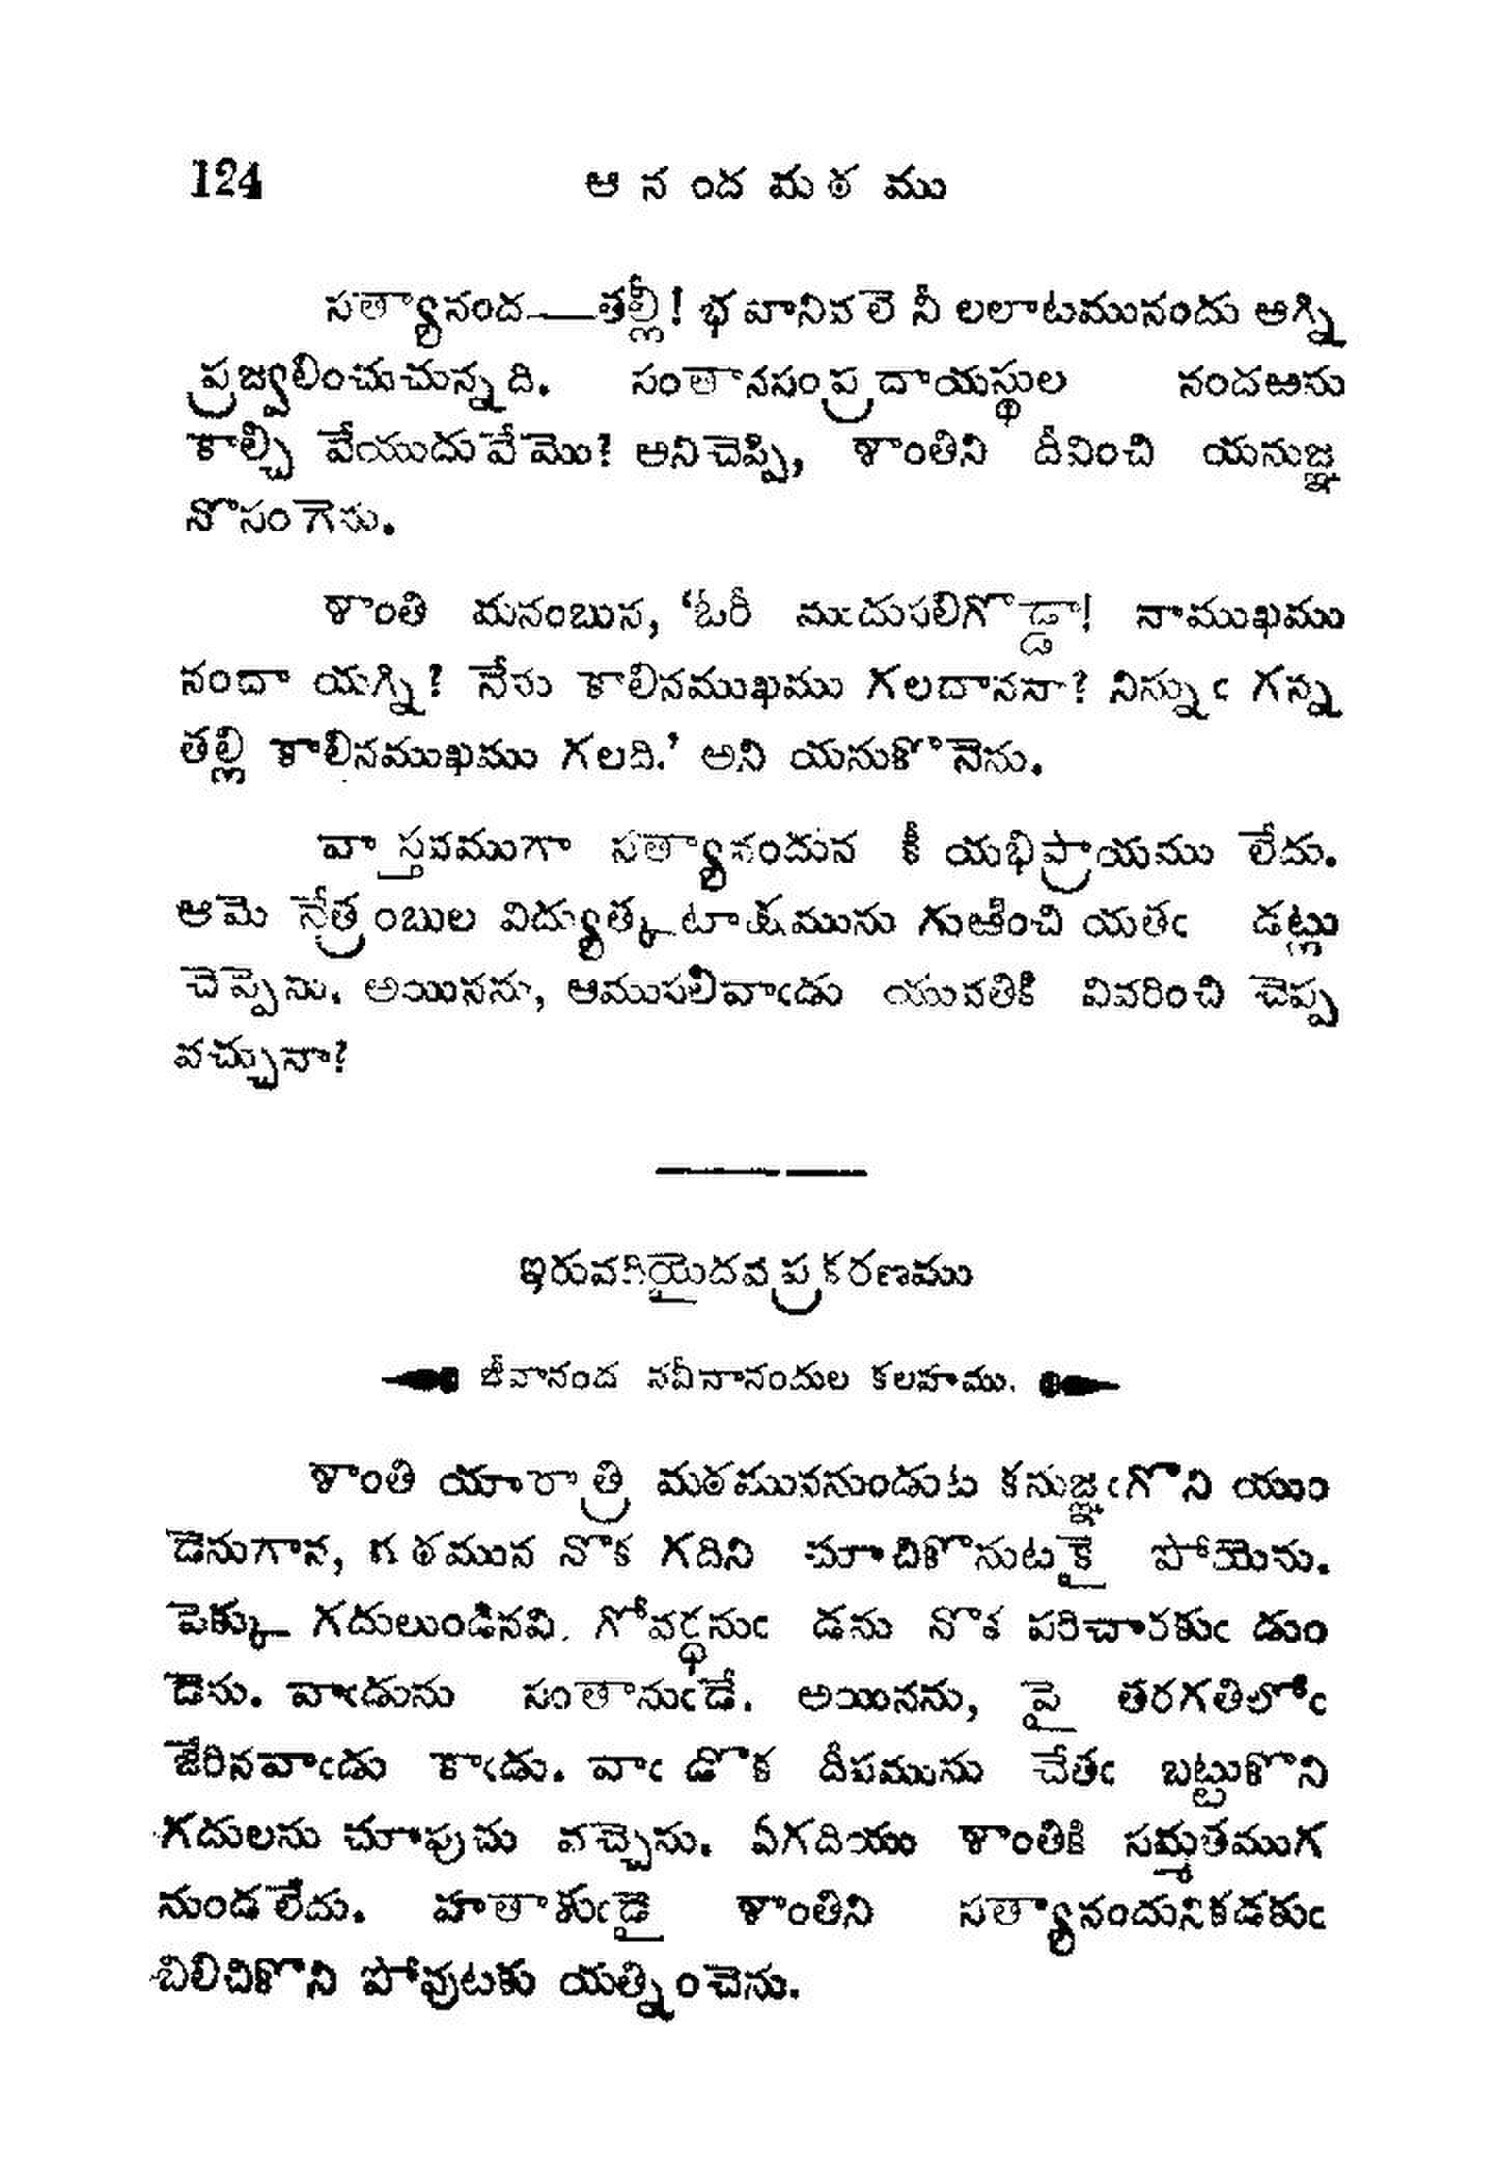సత్యానంద——తల్లీ! భవానివలె నీ లలాటమునందు ఆగ్ని ప్రజ్వలించుచున్నది. సంతానసంప్రదాయస్థుల నందఱను కాల్చి వేయుదువే మొ? అని చెప్పి, శాంతిని దీవించి యనుజ్ఞ నొసంగెను.

శాంతి మనంబున, 'ఓరీ ముదుసలిగొడ్డా! నాముఖము నందా యగ్ని! నేను కాలినముఖము గలదాననా? నిన్నుఁ గన్న
తల్లి కాలినముఖము గలది.' అని యనుకొనెను.

వాస్తవముగా సత్యానందున కీ యభిప్రాయము లేదు. ఆమె నేత్రంబుల విద్యుత్కటాక్షమును గుఱించి యతఁ డట్లు
చెప్పెను. అయినను, ఆముసలివాఁడు యువతికి వివరించి చెప్ప వచ్చునా?

ఇరువదియైదవ ప్రకరణము

జీవానంద నవీనానందుల కలహము.

శాంతి యారాత్రి మఠముననుండుట కనుజ్ఞఁ గొని యుండెనుగాన, మఠమున నొక గదిని చూచికొనుటకై పోయెను.పెక్కు గదులుండినవి. గోవర్ధనుఁ డను నొక పరిచారకుఁ డుండెను. వాఁడును సంతానుఁడే. అయినను, పై తరగతిలోఁ జేరినవాఁడు కాడు. వాఁ డొక దీపమును చేతఁ బట్టుకొని గదులను చూపుచు వచ్చెను. ఏగదియు శాంతికి సమ్మతముగ నుండ లేదు. హతాశుఁడై శాంతిని సత్యానందుని కడకుఁ బిలిచికొని పోవుటకు యత్నించెను.